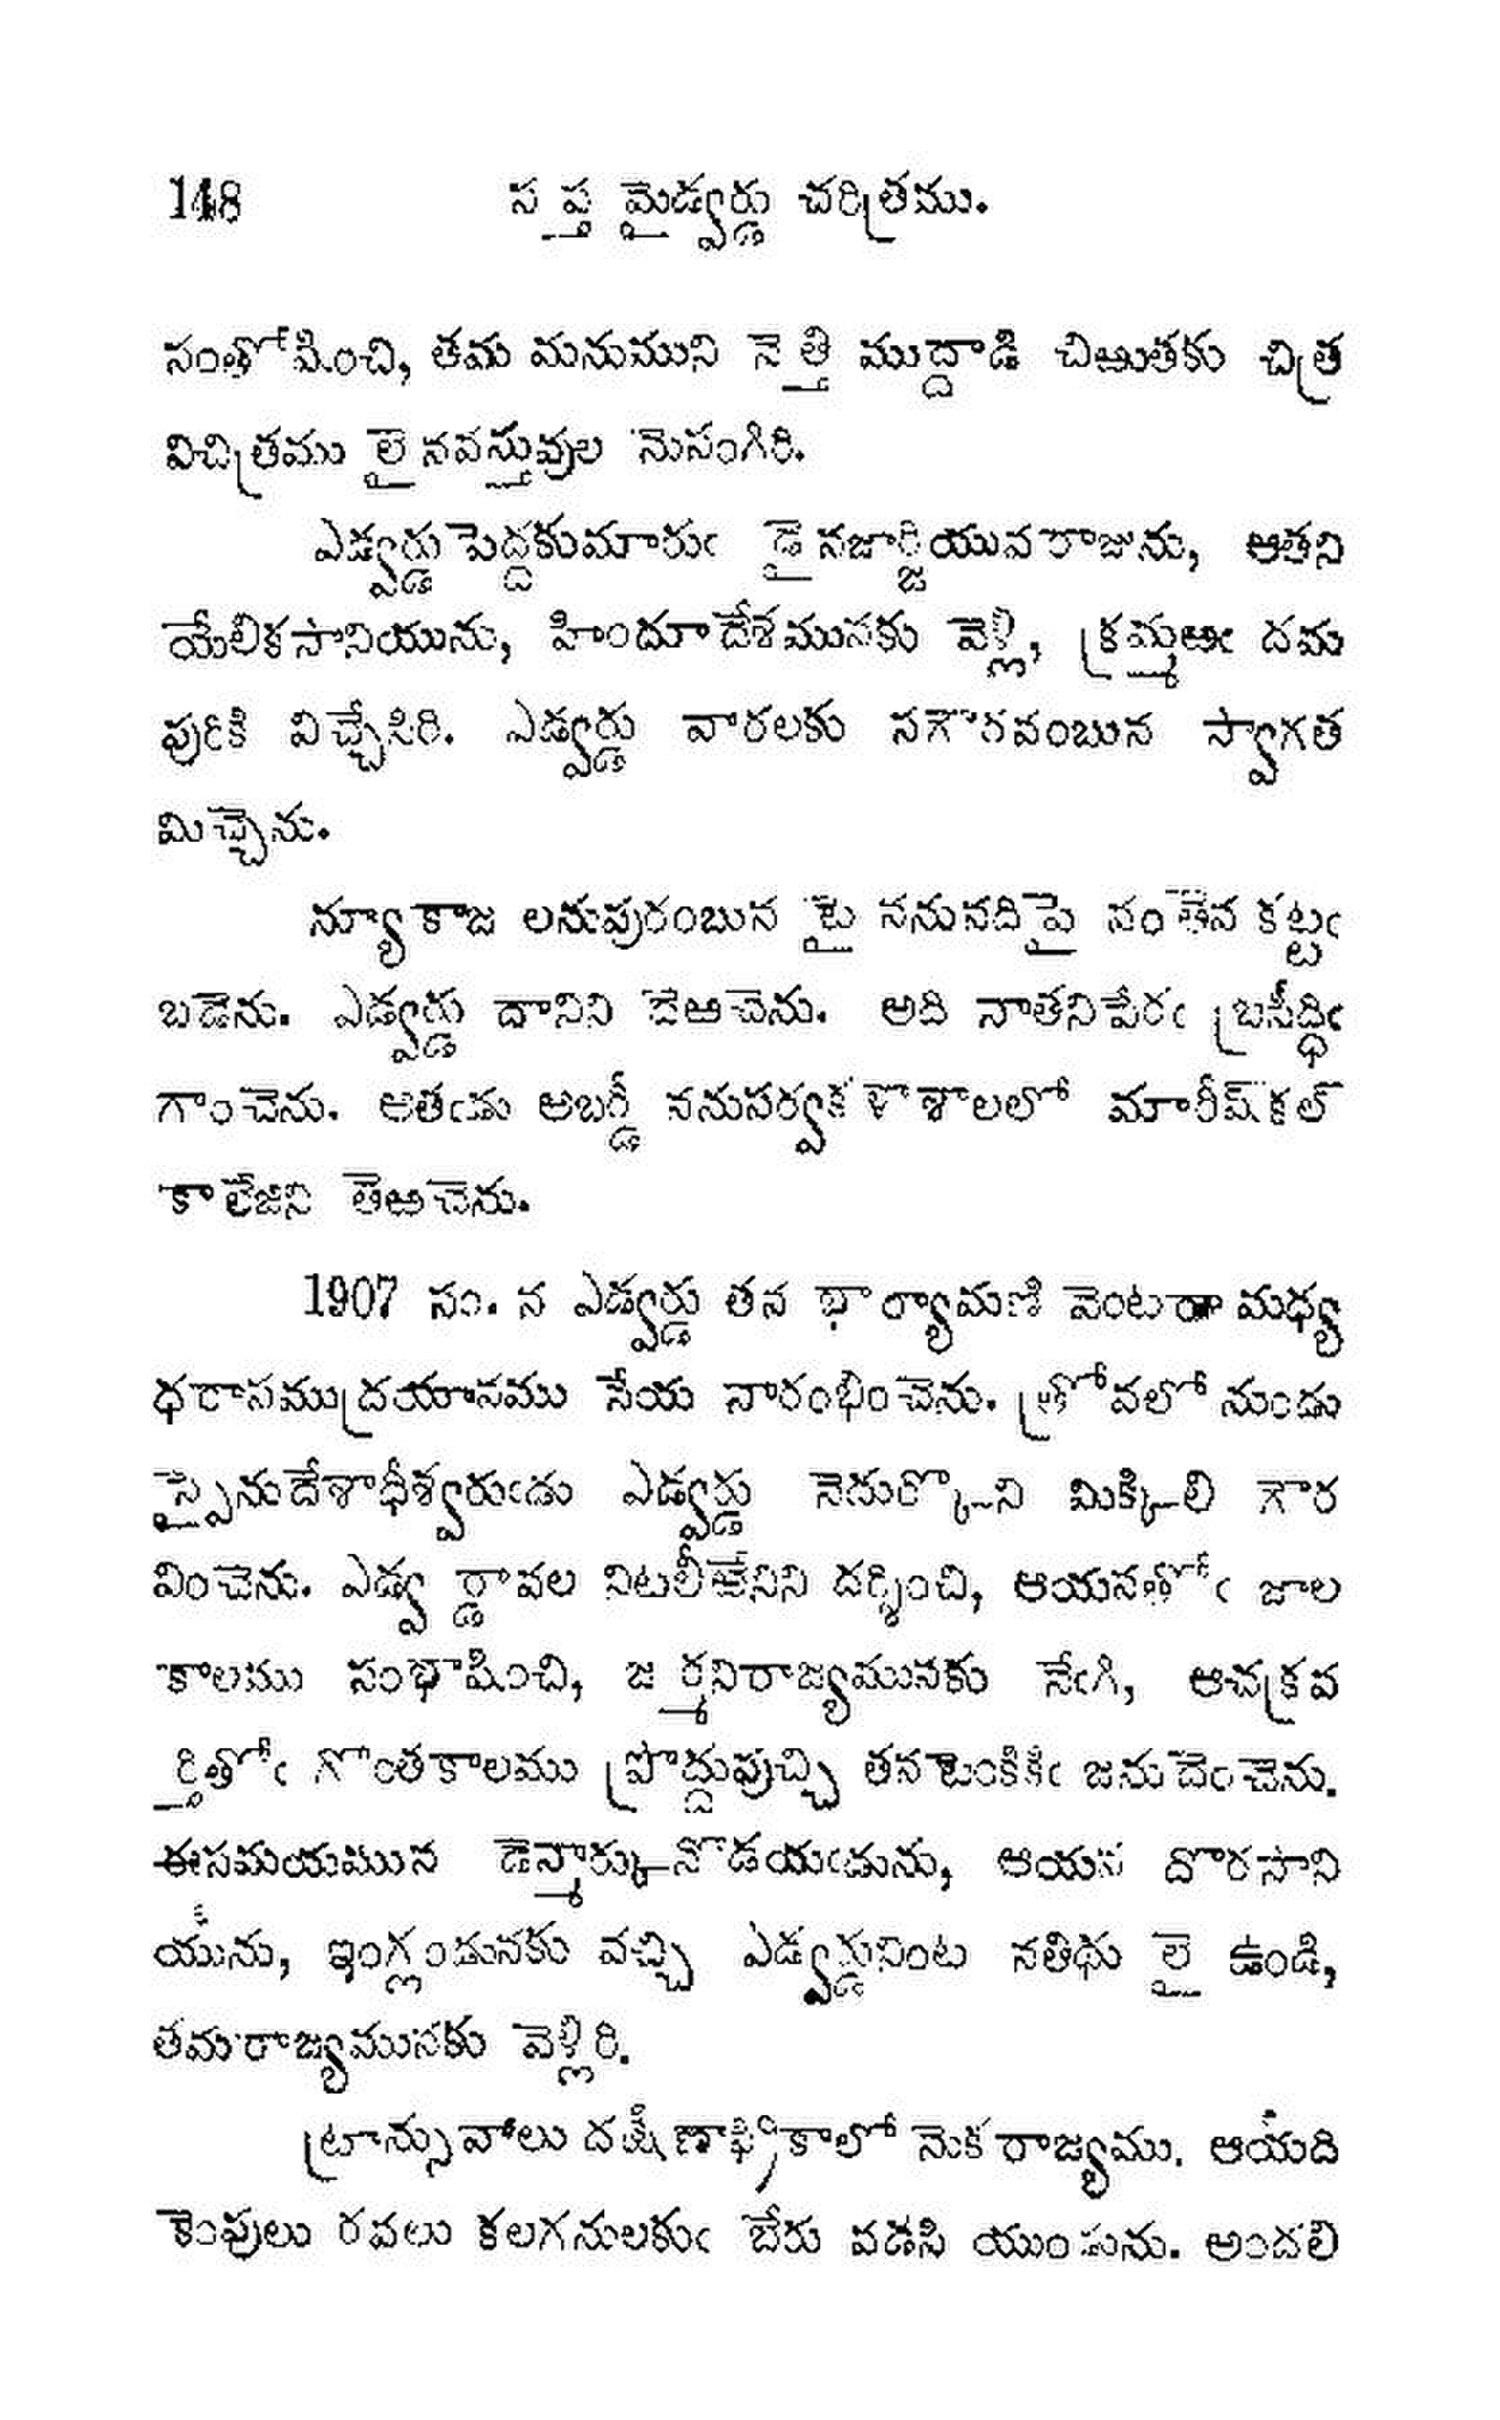సంతోషించి, తమ మనుముని నెత్తి ముద్దాడి చిరుతకు చిత్ర విచిత్రము లైన వస్తువుల మెసంగిరి.

ఎడ్వర్డు పెద్దకుమారుఁ డై జార్జి యువ రాజును, ఆతని యేలిక సానియును, హిందూ దేశ ముసకు వెళ్లి, క్రమ్మఱ దమ పురికి విచ్చేసిరి. ఎడ్వర్డు వారలకు సగౌరవంబున స్వాగత మిచ్చెను.

న్యూ కాజు లను పురంబున పైనను నది పై వంతెన కట్ట బడెను. ఎడ్వర్డు దానిని దెఱి చెను. అది నాతని పేర ప్రసిద్ది గాంచెను. అతడు ఆబర్డీ నను సర్వక ళాశాలలో మారీష్ కల్ కాలేజీని తెఱచెను.

1907 సం. న ఎడ్వర్డు తన భార్యామణి వెంటరా మధ్య ధరాసముద్ర యానము సేయ నారంభించెను. త్రోవలో నుండు స్పైను దేశాధీశ్వరుఁడు ఎడ్వర్డు నెదుక్కొని మిక్కిలి గౌర వించెను. ఎడ్వర్ణావల నిటలీ ఱేనిని దర్శించి, ఆయనతోఁ జాల "కాలము సంభాషించి, జర్మని రాజ్యమునకు నేఁగి, ఆచక్రవ ర్తితో గొంతకాలము ప్రొద్దుపుచ్చి తన టెంకికిఁ జను దెంచెను. ఈ సమయమున డెన్మార్కు నొడయఁడును, ఆయ: దొరసాని యును, ఇంగ్లండునకు వచ్చి ఎడ్వర్డునింట నతిదులై ఉండి, తమ రాజ్యమునకు వెళ్లిరి.

ట్రాన్సు హాలు దక్షిణాఫ్రికాలో నొక రాజ్యము. ఆయది. కెంపులు రవలు కల గనులకుఁ 'బేరు వడసి యుండును. అందలి